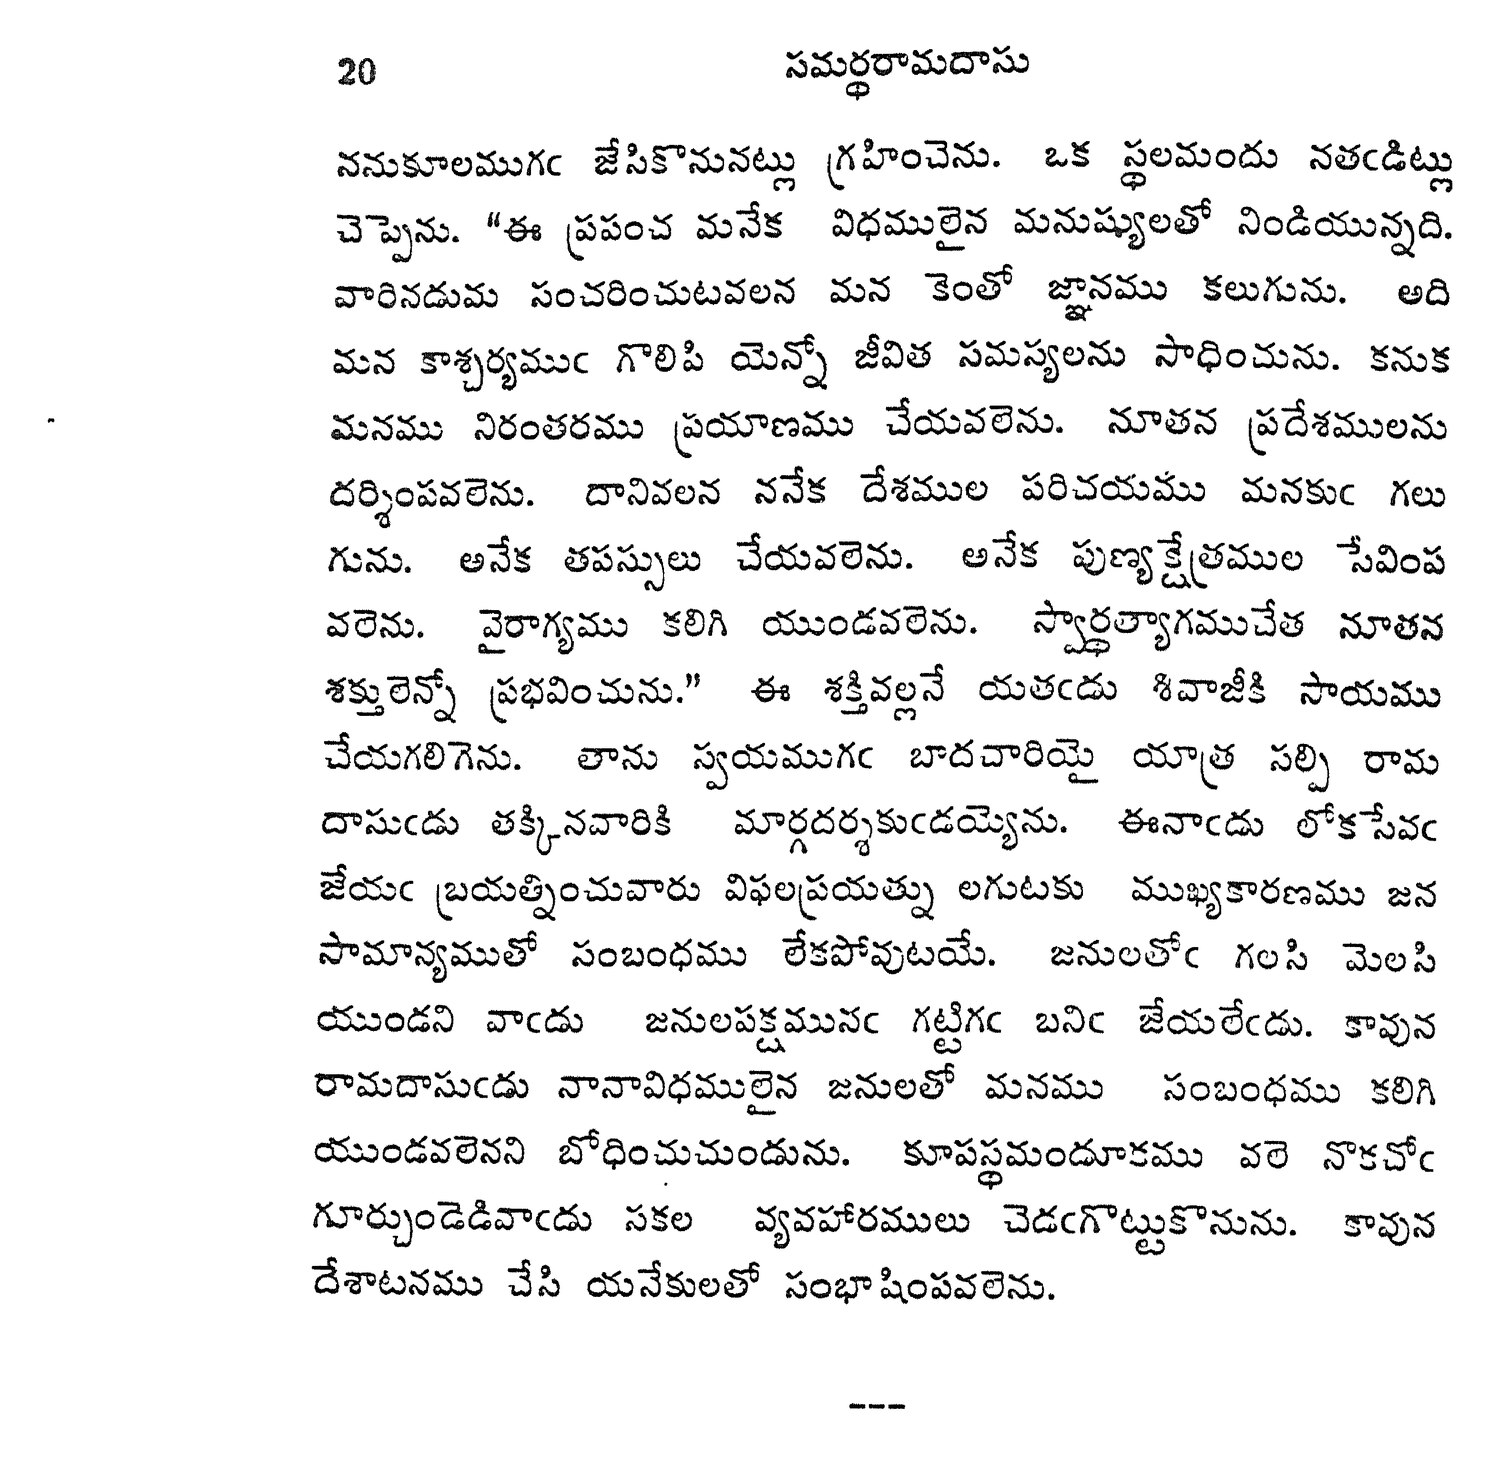ననుకూలముగ జేసికొనునట్లు గ్రహించెను. ఒక స్థలమందు నతడిట్లు చెప్పెను. "ఈ ప్రపంచ మనేక విధములైన మనుష్యులతో నిండియున్నది. వారినడుమ సంచరించుటవలన మన కెంతో జ్ఞానము కలుగును. అదిమన కాశ్చర్యము గొలిపి యెన్నో జీవిత సమస్యలను సాధించును. కనుక మనము నిరంతరము ప్రయాణము చేయవలెను. నూతన ప్రదేశములను దర్శింపవలెను. దానివలన ననేక దేశముల పరిచయము మనకు గలుగును. అనేక తపస్సులు చేయవలెను. అనేక పుణ్యక్షేత్రముల సేవింప వలెను. వైరాగ్యము కలిగి యుండవలెను. స్వార్థత్యాగముచేత నూతన శక్తులెన్నో ప్రభవించును." ఈ శక్తివల్లనే యతడు శివాజీకి సాయము చేయకలిగెను. తాను స్వయముగ బాదచారియై యాత్ర సల్పి రామదాసుడు తక్కినవారికి మార్గదర్శకుడయ్యెను. ఈనాడు లోకసేవజేయ బ్రయత్నించువారు విఫలప్రయత్ను లగుటకు ముఖ్యకారణము జన సామాన్యముతో సంబంధము లేకపోవుటయే. జనులతో గలసి మెలసి యుండని వాడు జనులపక్షమున గట్టిగ బని జేయలేడు. కావున రామదాసుడు నానావిధములైన జనులతో మనము సంబంధము కలిగి యుండవలెనని బోధించుచుండును. కూపస్థమండూకము వలె నొకచో గూర్చుండెడివాడు సకల వ్యవహారములు చెడగొట్టుకొనును. కావున దేశాటనము చేసి యనేకులతో సంభాషింపవలెను.

________